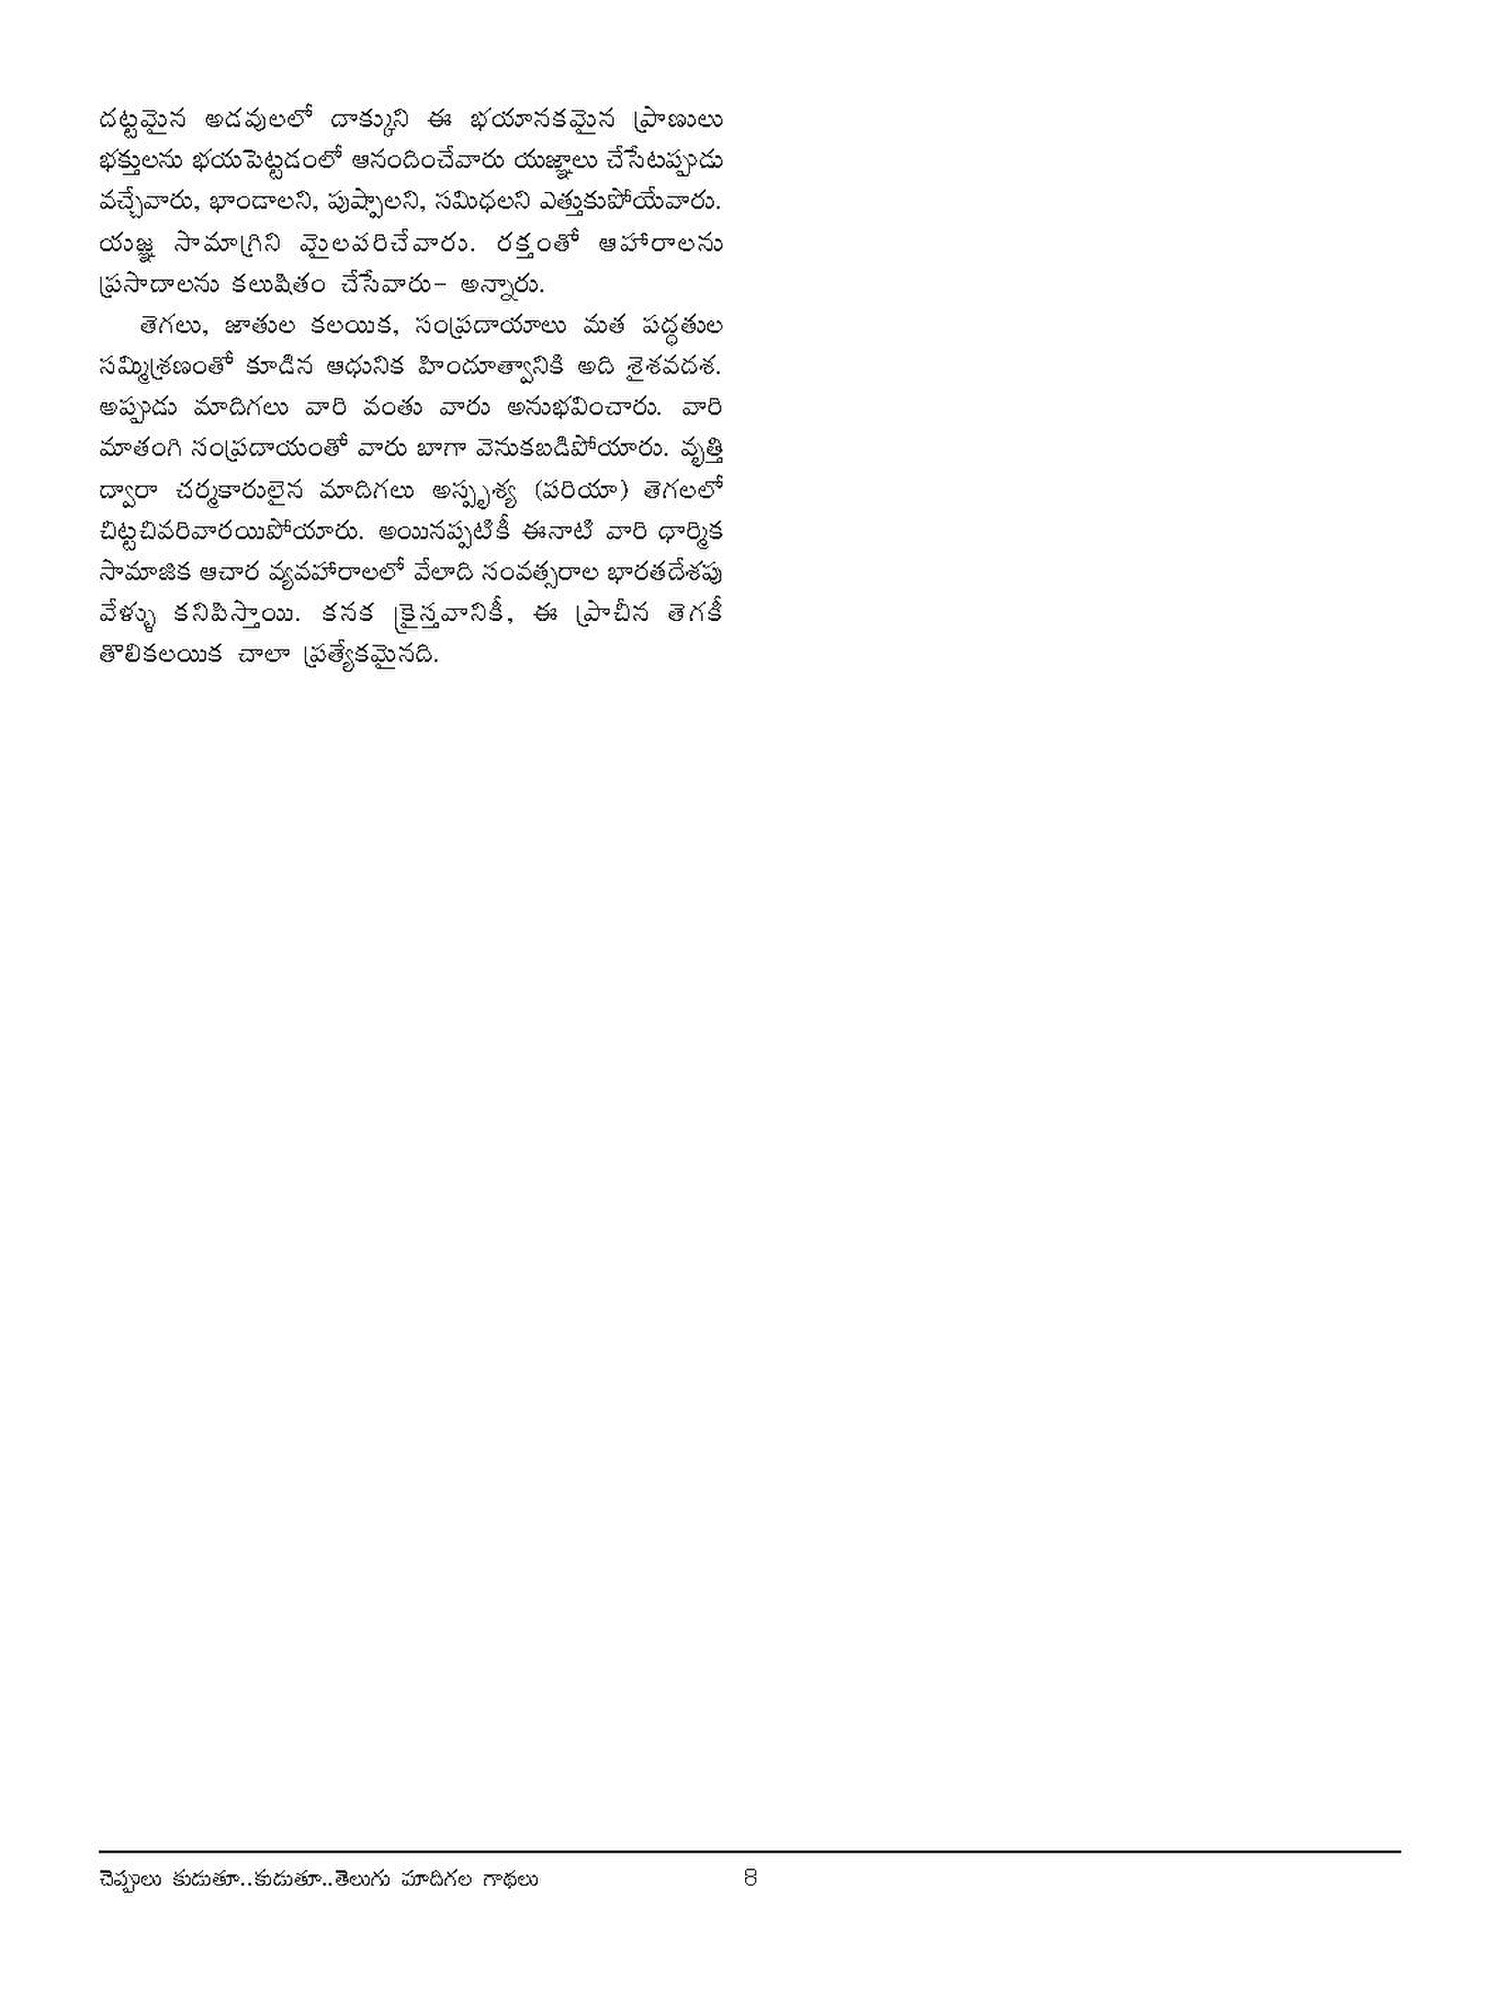దట్టమైన అడవులలో దాక్కుని ఈ భయానకమైన ప్రాణులు భక్తులను భయపెట్టడంలో ఆనందించేవారు యజ్ఞాలు చేసేటప్పుడు వచ్చేవారు, భాండాలని, పుష్పాలని, సమిధలని ఎత్తుకుపోయేవారు. యజ్ఞ సామాగ్రిని మైలపరిచేవారు. రక్తంతో ఆహారాలను ప్రసాదాలను కలుషితం చేసేవారు- అన్నారు.

తెగలు, జాతుల కలయిక, సంప్రదాయాలు మత పద్దతుల సమ్మిశ్రణంతో కూడిన ఆధునిక హిందూత్వానికి అది శైశవదశ. అప్పుడు మాదిగలు వారి వంతు వారు అనుభవించారు. వారి మాతంగి సంప్రదాయంతో వారు బాగా వెనుకబడిపోయారు. వృత్తి ద్వారా చర్మకారులైన మాదిగలు అస్పృశ్య (పరియా) తెగలలో చిట్టచివరివారయిపోయారు. అయినప్పటికీ ఈనాటి వారి ధార్మిక సామాజిక ఆచార వ్యవహారాలలో వేలాది సంవత్సరాల భారతదేశపు వేళ్ళు కనిపిస్తాయి. కనక క్రైస్తవానికీ, ఈ ప్రాచీన తెగకీ తొలికలయిక చాలా ప్రత్యేకమైనది.